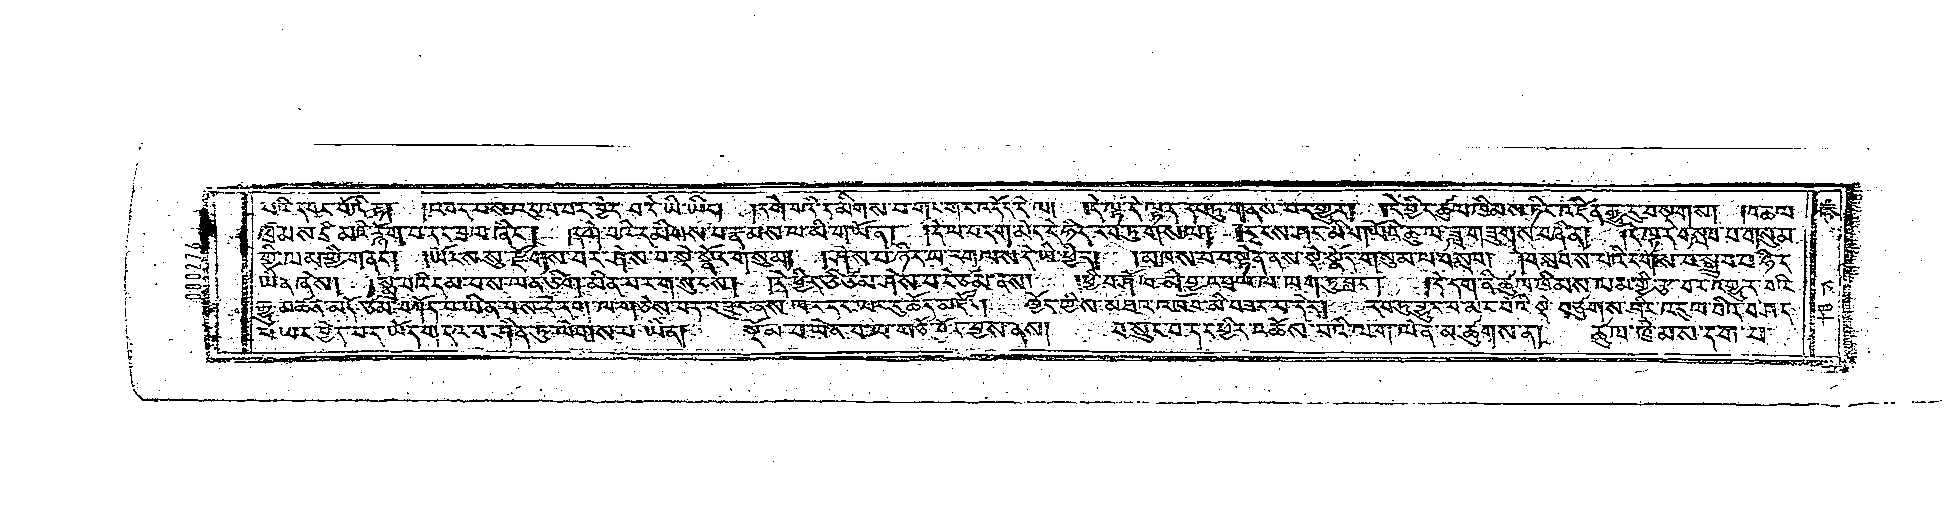པའི་དབང་བོའི་རྟ། །འབར་པས་འདུལ་བར་བྱེད་པ་དེ་ཡི་ཡིད། །དགེ་བའི་དམིགས་པ་གང་གང་འདོད་དེ་ལ། །དེ་ལྟ་དེ་ལྟར་རབ་ཏུ་གནས་པར་གྱུར། །དེ་བྱིན་ཚུལ་ཁྲིམས་ཏིང་འཛིན་རྒྱུ་དུ་བསྡགས། འཆལ་
ཁྲིམས་དྲི་མའི་རྙོག་པ་དང་བྲལ་ཞིང་། །དགེ་བའི་དམིགས་པ་རྣམས་ལ་མི་གཡོན། །དེ་ལ་བདག་མེད་དེ་ཉིད་རབ་ཏུ་གསལ། །དྭངས་ཤད་མི་གཡོའི་ཆུ་ལ་ཟླ་གཟུགས་བཞིན། །དེ་ལྟར་བསླབ་པ་གསུམ་
གྱི་ལམ་གྱི་གནང་། །ཡོངས་སུ་རྫོགས་པར་ཤེས་པ་སྡེ་སྣོད་གསུམ། །ཤེས་པ་ཉིད་ལ་རག་ལས་དེ་ཡི་ཕྱིར། །མཁས་པ་བསྟེན་ནས་སྡེ་སྣོད་གསུམ་ལ་བསླབ། །བསླབས་པའི་དགོས་པ་སྒྲུབ་པ་ཉིད་
ཡིན་ཞེས། །སྨྲ་བའི་དམ་པས་ལན་ཅིག་མིན་པར་གསུངས། །དེ་ཕྱིར་ཅི་ཙམ་ཤེས་པ་དེ་ཙམ་ནས། །ཕྱི་བཤོལ་མི་བྱ་འཕྲལ་ལ་ལག་ཏུ་བླང་། །དེ་དག་ནི་ཚུལ་ཁྲིམས་ལམ་གྱི་རྩ་བར་འགྱུར་བའི་
རྒྱུ་མཚན་མདོ་ཙམ་བཀོད་པ་ཡིན་པས་དེ་དག་ལ་གཅེས་བར་བཟུང་ནས་ལ་དངར་ཡང་དུ་ཆོད་མཛོད། ཁྱོད་ཀྱིས་མཐའ་འཁོབ་མི་བཟང་པ་དེར། རབ་ཏུ་བྱུང་བ་མང་པོའི་སྡེ་བཙུགས་ཤིང་འདུལ་བའི་བཤད་
པ་ཡང་བྱེད་པར་ཡོད་གདའ་བ་ཤིན་ཏུ་ལེགས་པ་ཡིན། སྡོམ་པ་ལེན་པ་ལ་གཙོ་བོར་བྱས་ནས། བསྲུང་བ་དང་ཕྱིར་འཆོས་པའི་ལག་ལེན་མ་ཚུགས་ན། ཚུལ་ཁྲིམས་དག་པ་